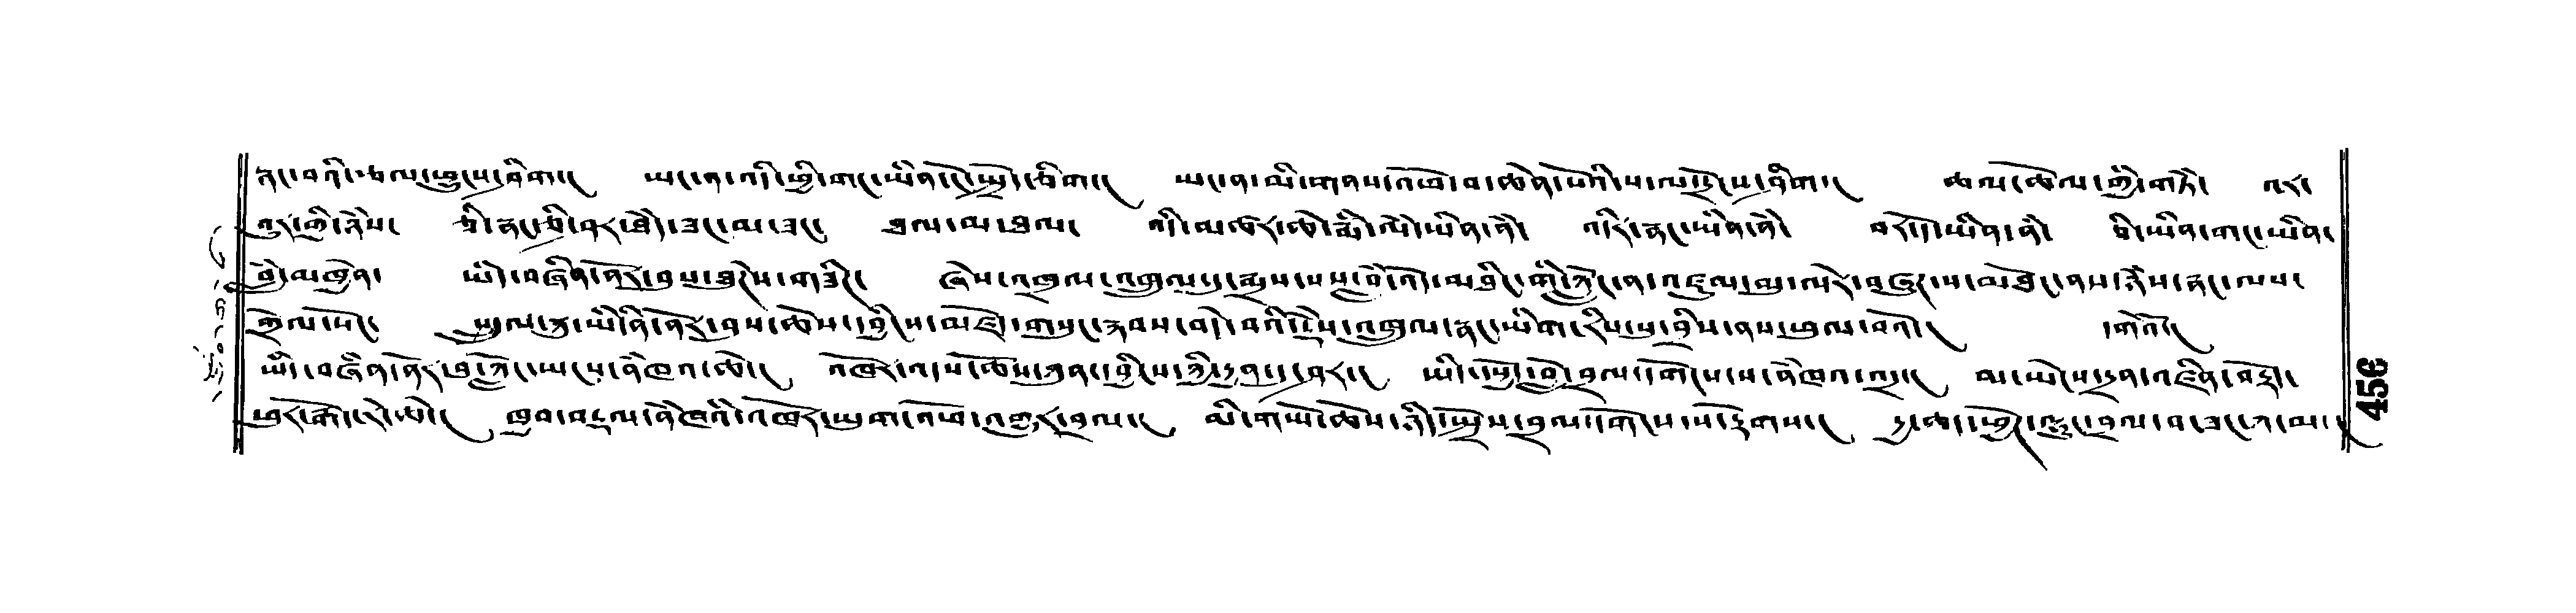སྣང་བའི་རྩལ་ཕྱུངས་ཤིག ཡང་ན་འདི་ཕྱི་གང་ཡིན་ངོ་སྤྲོད་ཅིག ཡང་ན་མི་གནས་འཕོ་བ་ཆེན་པོའི་ས་ལ་དྲོངས་ཤིག ཆལ་ཆོལ་གྱི་གཏམ། འར་
འུར་གྱི་ཉམས། ཅི་སྣང་ཅི་ཤར་ཐམས་ཅད་ཟང་མ་ཟིང་། ཐལ་མ་ཐལ་འདི་མཚར་ཆེ་རྨི་ལམ་ཡིན་ནམ། འདི་སྣང་ཡིན་ནམ། བར་དོ་ཡིན་ནམ། ཅི་ཡིན་གང་ཡིན་
བླ་མ་མཁྱེན། ཡིད་བཞིན་ནོར་བུས་ཐུགས་རྗེས་གཟིགས། ཞེས་འཁྲལ་འཁྲུལ་དུ་སྨྲས་པས་བླ་མ་འོད་མཐིང་གི་ཀློང་ན་འཛུམ་མུ་ལེར་བཞུགས་པ་མཐོང་ནས་ཉམས་སྣང་ལས་
གྲོལ་སོང་། སྤྲུལ་སྐུ་ཡིད་བཞིན་ནོར་བུས་ཆོས་དབྱིངས་མཛོད་གསུང་སྐབས་བདེ་བའི་རྡོ་རྗེས་འཁྲུལ་སྣང་ཡིག་རིས་སུ་བྲིས་ནས་ཕུལ་བའོ།། 
ཡིད་བཞིན་ནོར་བུ་ཀློང་ཡངས་ནམ་མཁའ་ཆེ། །འཁོར་འདས་ཆོས་ཀུན་དབྱིངས་ཀྱི་རྒྱན་དུ་ཤར། །ཡིད་དཔྱོད་བློ་བྲལ་དགོངས་པ་ནམ་མཁའ་འདྲ། །མ་ཡེངས་དྲན་འཛིན་རྟོད་
ཕུར་རྒོད་རེ་ཆེ།ཁྱབ་བརྡལ་ནམ་མཁའི་འཁོར་ཡུག་འཕོ་འགྱུར་བྲལ། །མི་གཡོ་ཆོས་ཉིད་སྤྲོས་བྲལ་དགོངས་པ་རྟོགས། རྒྱ་ཆད་ཕྱོགས་ལྷུང་བྲལ་བ་ཟང་ཀ་མ།